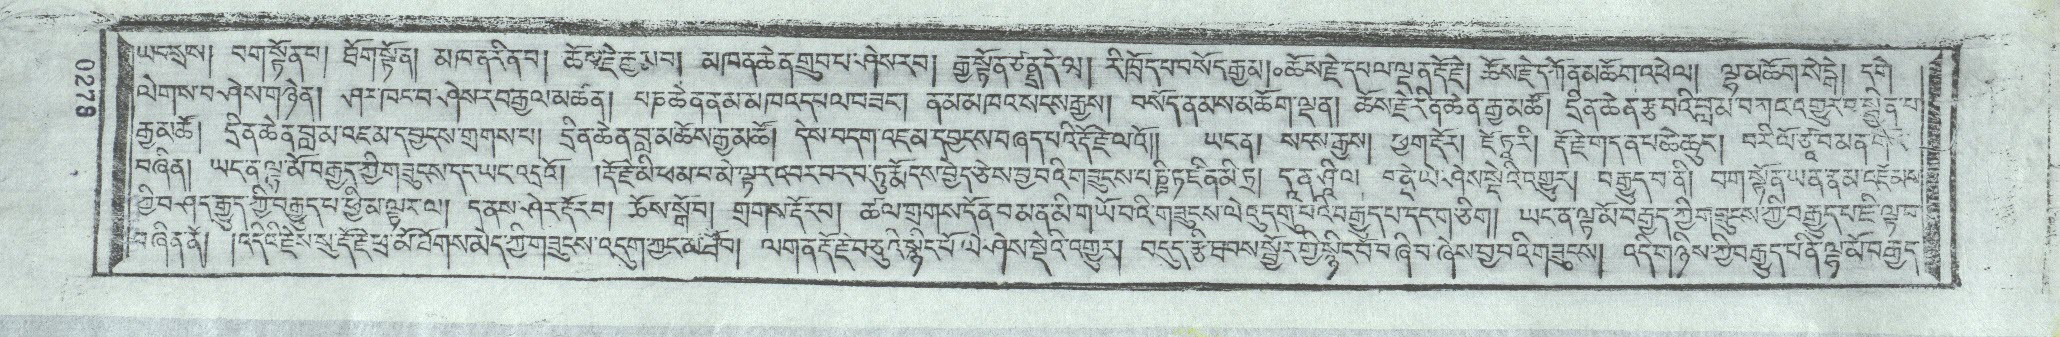ཡབ་སྲས། བག་སྟོན་པ། ཐོག་སྟོན། མཁན་རིན་པ། ཆོས་རྗེ་རྒྱས་བ། མཁན་ཆེན་གྲུབ་པ་ཤེས་རབ། རྒྱ་སྟོན་ཙནྡྲ་དེ་ལ། རི་ཁྲོད་པ་བསོད་རྒྱམ། ཆོས་རྗེ་དཔལ་དཔལ་ལྡན་རྡོ་རྗེ། ཆོས་རྗེ་དཀོན་མཆོག་འཕེལ། ལྷ་མཆོག་སེངྒེ། དགེ་
ལེགས་བཤེས་གཉེན། ཤར་ཁང་བཤེས་རབ་རྒྱལ་མཚན། པཎ་ཆེན་ནམ་མཁའ་དཔལ་བཟང་། ནམ་མཁའ་སངས་རྒྱས། བསོད་ནམས་མཆོག་ལྡན། ཆོས་རྗེ་རིན་ཆེན་?་མཚོ། དྲིན་ཆེན་རྩ་བའི་?་འགྱུར་བ་སྦྱིན་པ་
རྒྱ་མཚོ། དྲིན་ཆེན་བླ་མ་འཇམ་དབྱངས་གྲགས་པ། དྲིན་ཆེན་བླ་མ་ཆོས་རྒྱ་མཚོ། དེས་བདག་འཇམ་དབྱངས་བཞད་པའི་རྡོ་རྗེ་ལའོ།། ཡང་ན། སངས་རྒྱས། ཕྱག་རྡོར། ཛེ་ཏཱ་རི། རྡོ་རྗེ་གདན་པ་ཆེ་ཆུང་། བ་རི་ལོ་ཙཱ་བ་མན་གོང་
བཞིན། ཡང་ན་ལྷ་མོ་བརྒྱད་ཀྱི་གཟུངས་དང་ཡང་འདྲའོ། །རྡོ་རྗེ་ཕམ་པ་མེ་ལྟར་འབར་བ་རབ་ཏུ་རྨོངས་བྱེད་ཅེས་བྱ་བའི་གཟུངས་པཎྜི་ཏ་ཛི་ན་མི་ཏྲ། དཱ་ན་ཤཱི་ལ། བནྡེ་ཡེ་ཤེས་སྡེའི་འགྱུར། བརྒྱུད་པ་ནི། བག་སྟོན་ཡན་རྣམ་འཇོམས་
ཀྱི་བཤད་རྒྱུད་ཀྱི་བརྒྱུད་པ་ཕྱི་མ་ལྟར་ལ། ད་ནས་ཤེར་རྡོར་བ། ཆོས་སྒོ་བ། གྲགས་རྡོར་བ། ཚལ་གྲགས་དོན་བམ་ན་མི་གཡོ་བའི་གཟུངས་ལེའུ་དགུ་བའི་བརྒྱད་པ་དང་གཅིག། ཡང་ན་ལྷ་མོ་བརྒྱད་ཀྱི་གཟུངས་ཀྱི་བརྒྱུད་པ་ཇི་ལྟར་
བཞིན་ནོ། །འདིའི་རྗེས་སུ་རྡོ་རྗེ་ཕྲ་མོ་ཐོགས་མེད་ཀྱི་གཟུངས་འདུག་ཀྱང་མ་ཐོབ། ལག་ན་རྡོ་རྗེ་བཅུའི་སྙིང་པོ་ཡེ་ཤེས་སྡེའི་འགྱུར། བདུད་རྩི་ཐབས་སྦྱོར་གྱི་སྙིང་པོ་བཞི་བ་ཞེས་བྱ་བའི་གཟུངས། འདི་གཉིས་ཀྱི་བརྒྱུད་པ་ནི་ལྷ་མོ་བརྒྱད་